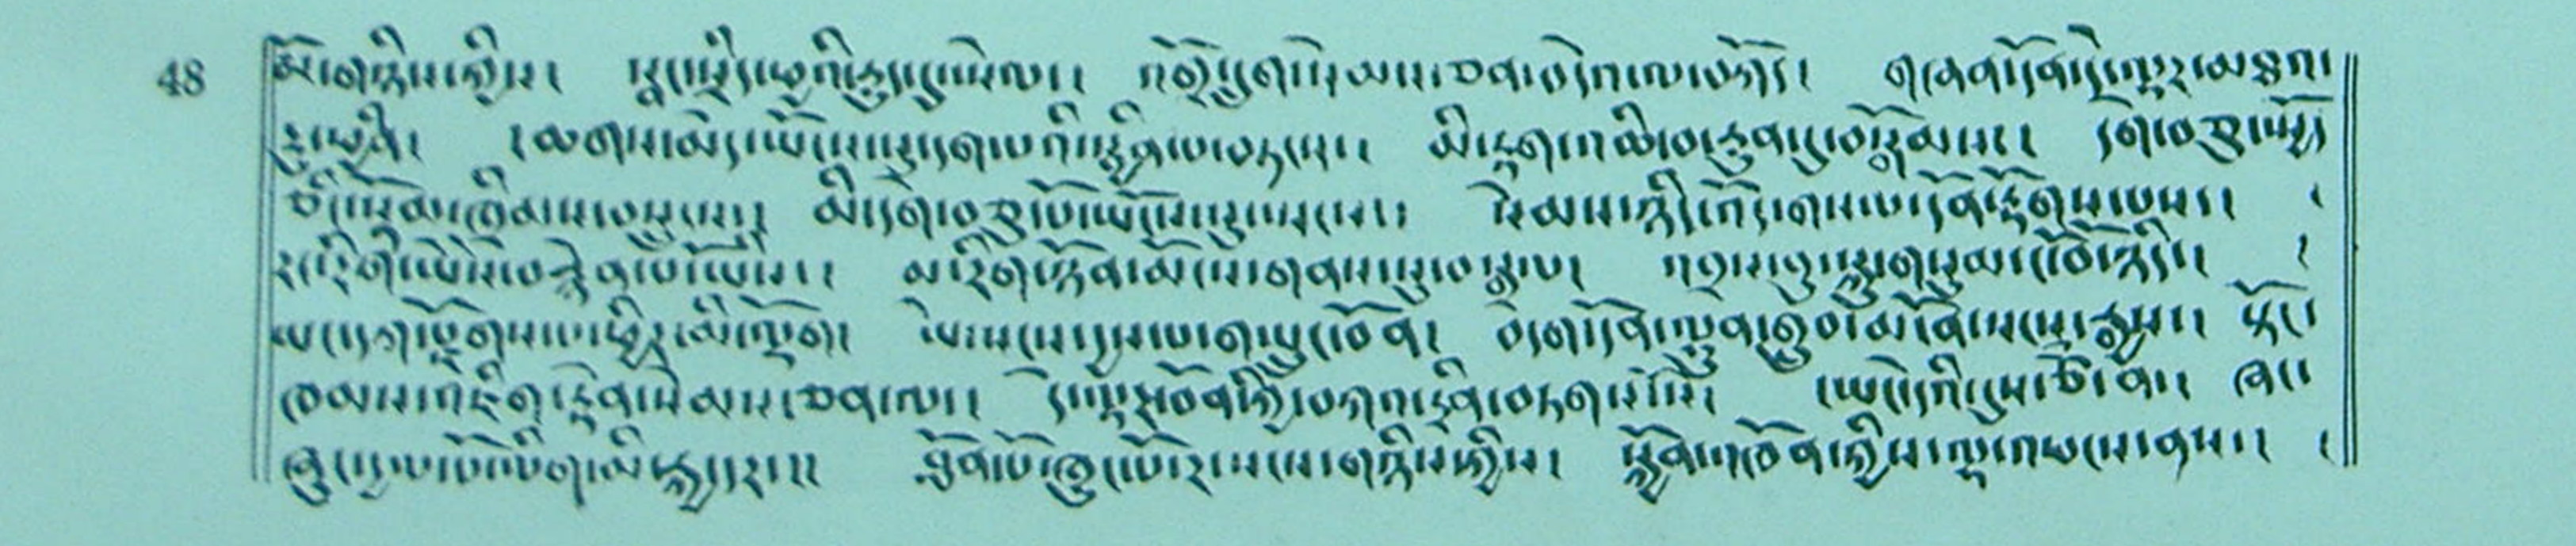མོ་གཉིས་ཀྱིས་སྣང་སྲིད་ཕྱའི་རྒྱུད་དུ་སྤེལ། འགྲོ་དྲུག་སེམས་ཅན་བདེ་ལ་བཀོད། གཞན་དོན་དེ་ལྟར་མཐའ་
རུ་ཕྱིན། ཆགས་མེད་ཡོངས་སུ་དག་པའི་སྦྱིན་པ་བཏངས། མི་རྟག་འཆི་བ་རྒྱུན་དུ་བསྒོམས། དགེ་བཅུ་སྤྱོད་
ཅིང་སྡོམ་ཁྲིམས་བསྲུངས། མི་དགེ་བཅུ་བོ་ཡོངས་སུ་སྤངས། སེམས་ཉིད་འོད་གསལ་དོན་རྟོགས་པས། 
རང་རིག་ཡེ་ཤེས་བརྙེན་[གཉན]པོ་ཡིས། མ་རིག་ཉོན་མོངས་གནས་སུ་བསྒྲལ། འབྲས་བུ་སྐུ་གསུམ་ངོ་བོའི་ཉིད། 
ཡང་དག་རྫོགས་པའི་ཕྱིར་མི་ལྡོག ཡེ་སངས་རྒྱས་པ་གཡུང་དྲུང་བོན། བདག་དོན་ལྷུན་གྲུབ་མངོན་སངས་རྒྱས། སྟོང་
ཁམས་འཇིག་རྟེན་སེམས་ཅན་ལ། དེ་ལྟར་བོན་གྱི་བཀའ་དྲིན་བཏགས་སོ། ཡང་དེའི་དུས་ཙམ་ན། ཞང་
ཞུང་གི་རྒྱལ་བོ་ལིག་མི་རྐྱ་དང་། བློན་པོ་ཁྱུང་བོ་ར་སངས་གཉིས་ཀྱིས། སྐྱོན་འཁོན་ཀྱིས་ལྷ་འཕངས་ནས།